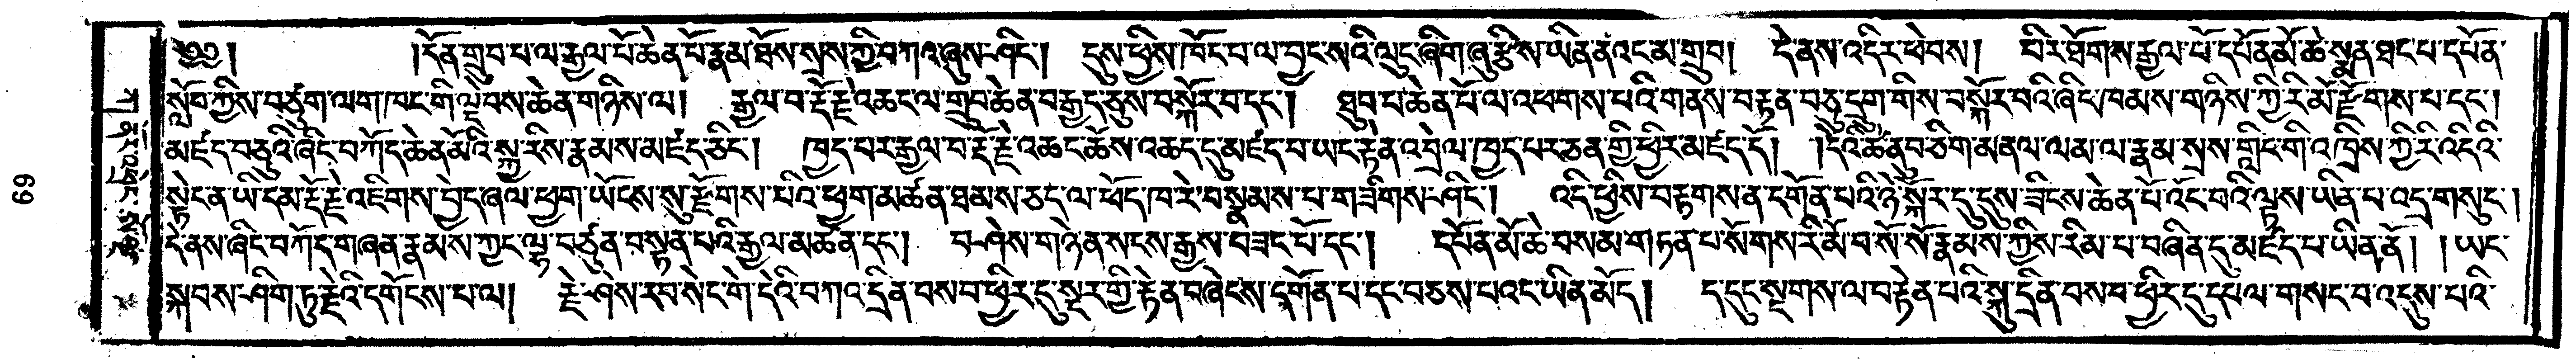༄༅། །དོན་གྲུབ་པ་ལ་རྒྱལ་པོ་ཆེན་པོ་རྣམ་ཐོས་སྲས་ཀྱི་བཀའ་ཞུས་ཤིང་། དུས་ཕྱིས་ཁོང་པ་ལ་བྱང་སའི་ལུང་ཞིག་ཞུ་རྩིས་ཡིན་ནའང་མ་གྲུབ། དེ་ནས་འདིར་ཕེབས། བིར་ཐོགས་རྒྱལ་པོ་དཔོན་མོ་ཆེ་སྨན་ཐང་པ་དཔོན་
སློབ་ཀྱིས་བཙུག་ལག་ཁང་གི་ལྡེབས་ཆེན་གཉིས་ལ། རྒྱལ་བ་རྡོ་རྗེ་འཆང་ལ་གྲུབ་ཆེན་བརྒྱད་ཅུས་བསྐོར་བ་དང་། ཐུབ་པ་ཆེན་པོ་ལ་འཕགས་པའི་གནས་བརྟན་བཅུ་དྲུག་གིས་བསྐོར་བའི་ཞིང་ཁམས་གཉིས་ཀྱི་རི་མོ་རྫོགས་པ་དང་།
མཛད་བཅུའི་ཞིང་བཀོད་ཆེན་མོའི་སྐྱ་རིས་རྣམས་མཛད་ཅིང་། ཁྱད་པར་རྒྱལ་བ་རྡོ་རྗེ་འཆང་ཆོས་འཆད་དུ་མཛད་པ་ཡང་རྟེན་འབྲེལ་ཁྱད་པར་ཅན་གྱི་ཕྱིར་མཛད་དོ། །དེའི་ཚེ་ནུབ་ཅིག་མནལ་ལམ་ལ་རྣམ་སྲས་གླིང་གི་འཁྲིས་ཀྱི་རི་འདིའི་
སྟེང་ན་ཡི་དམ་རྡོ་རྗེ་འཇིགས་བྱེད་ཞལ་ཕྱག་ཡོངས་སུ་རྫོགས་པའི་ཕྱག་མཚན་ཐམས་ཅད་ལ་ཕོད་ཁ་རེ་བསྣམས་པ་གཟིགས་ཤིང་། འདི་ཕྱིས་བརྟགས་ན་དགོན་པའི་ཉེ་སྐོར་དུ་དུས་ཟིངས་ཆེན་པོ་འོང་བའི་ལྟས་ཡིན་པ་འདྲ་གསུང་།
དེ་ནས་ཞིང་བཀོད་གཞན་རྣམས་ཀྱང་ལྷ་བཙུན་བསྟན་པའི་རྒྱལ་མཚན་དང་། བཤེས་གཉེན་སངས་རྒྱས་བཟང་པོ་དང་། དཔོན་མོ་ཆེ་བསམ་གཏན་པ་སོགས་རི་མོ་བ་སོ་སོ་རྣམས་ཀྱིས་རིམ་པ་བཞིན་དུ་མཛད་པ་ཡིན་ནོ། །ཡང་
སྐབས་ཤིག་ཏུ་རྗེའི་དགོངས་པ་ལ། རྗེ་ཤེས་རབ་སེང་གེ་དེའི་བཀའ་དྲིན་བསབ་ཕྱིར་དུ་སྔར་གྱི་རྟེན་བཞེངས་དགོན་པ་དང་བཅས་པའང་ཡིན་མོད། ད་དུང་སྔགས་ལ་བརྟེན་པའི་སྐུ་དྲིན་བསབ་ཕྱིར་དུ་དཔལ་གསང་བ་འདུས་པའི་